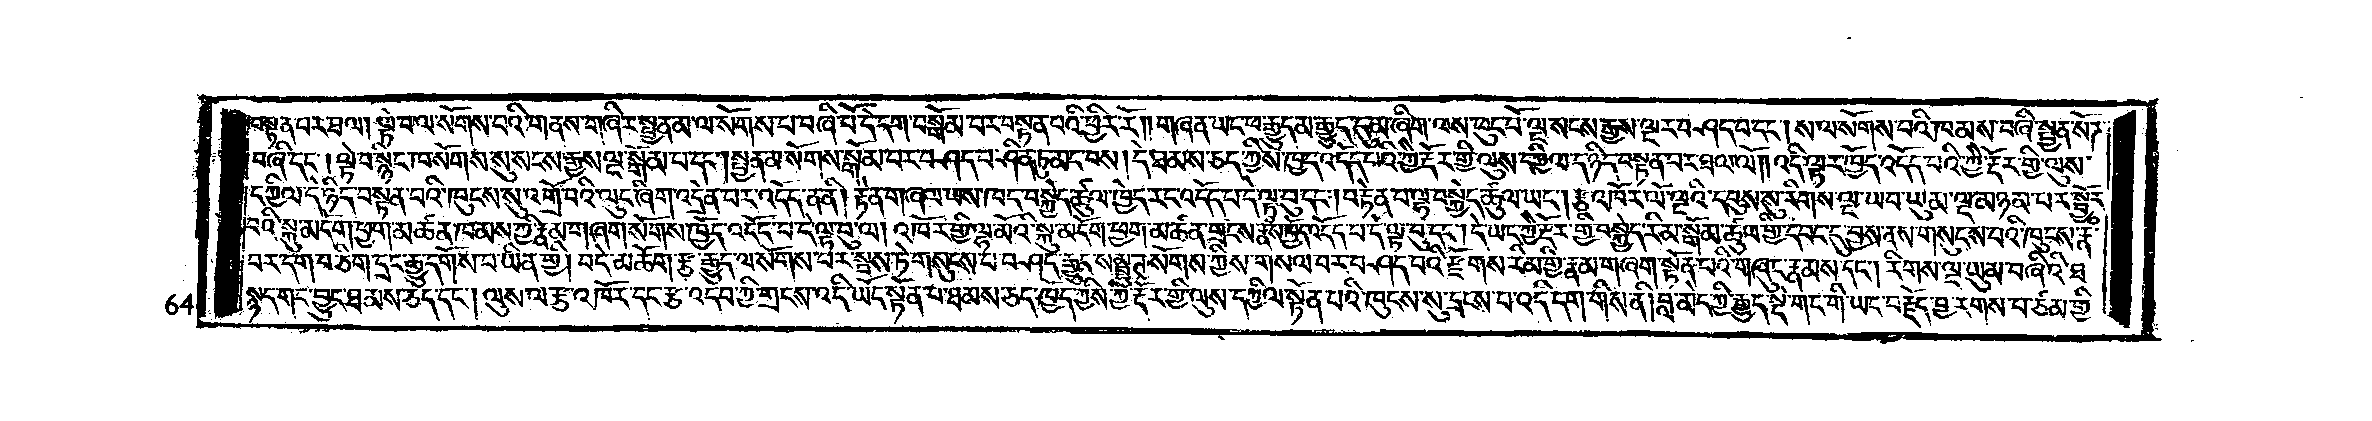བསྟན་པར་ཐལ། ལྟེ་བ་ལ་སོགས་པའི་གནས་གཞིར་སྤྱན་མ་ལ་སོགས་པ་བཞི་པོ་དེ་དག་བསྒོམ་པར་བསྟན་པའི་ཕྱིར་རོ། །གཞན་ཡང་ཕ་རྒྱུད་མ་རྒྱུད་དུ་མ་ཞིག་ལས་ཕུང་པོ་ལྔ་སངས་རྒྱས་ལྔར་བཤད་པ་དང་། ས་ལ་སོགས་པའི་ཁམས་བཞི་སྤྱན་སོགས་
བཞི་དང་། ལྟེ་བ་སྙིང་ཁ་སོགས་སུ་སངས་རྒྱས་ལྔ་སྒོམ་པ་དང་། སྤྱན་མ་སོགས་སྒོམ་པར་བཤད་པ་ཤིན་ཏུ་མང་བས། དེ་ཐམས་ཅད་ཀྱིས་ཁྱད་འདོད་པའི་ཀྱཻ་རྡོར་གྱི་ལུས་དཀྱིལ་དེ་ཉིད་བསྟན་པར་ཐལ་ལོ། །འདི་ལྟར་ཁྱོད་འདོད་པའི་ཀྱཻ་རྡོར་གྱི་ལུས་
དཀྱིལ་དེ་ཉིད་བསྟན་པའི་ཁུངས་སུ་འགྲོ་བའི་ལུང་ཞིག་འདྲེན་པར་འདོད་ན་ནི། རྟེན་གཞལ་ཡས་ཁད་བསྐྱེད་ཚུལ་ཁྱེད་རང་འདོད་པ་དེ་ལྟ་བུ་དང་། བརྟེན་པ་ལྷ་བསྐྱེད་ཚུལ་ཡང་། རྩ་འཁོར་ལོ་ལྔའི་དབུས་སུ་རིགས་ལྔ་ཡབ་ཡུམ་ལྔ་མཉམ་པར་སྦྱོར་
བའི་སྐུ་མདོག་ཕྱག་མཚན་ཁམས་ཀྱི་རྣམ་གཞག་སོགས་ཁྱོད་འདོད་པ་དེ་ལྟ་བུ་ལ། འཁོར་གྱི་ལྷ་མོའི་སྐུ་མདོག་ཕྱག་མཚན་གྲངས་རྣམས་ཁྱོད་འདོད་པ་དེ་ལྟ་བུ་དང་། དེ་ཡང་ཀྱཻ་རྡོར་གྱི་བསྐྱེད་རིམ་སྒོམ་ཚུལ་གྱི་དབང་དུ་བྱས་ནས་གསུངས་པའི་ཁུངས་རྣམ་
པར་དག་པ་ཅིག་དྲང་རྒྱ་དགོས་པ་ཡིན་གྱི། བདེ་མཆོག་རྩ་རྒྱུད་ལ་སོགས་པར་སྦས་ཏེ་གསུངས་པ་བཤད་རྒྱུད་སམྦྷུ་ཊ་སོགས་ཀྱིས་གསལ་བར་བཤད་པའི་རྫོགས་རིམ་གྱི་རྣམ་གཞག་སྟོན་པའི་གཞུང་རྣམས་དང་། རིགས་ལྔ་ཡུམ་བཞིའི་ཐ་
སྙད་གང་བྱུང་ཐམས་ཅད་དང་། ལུས་ལ་རྩ་འཁོར་དང་རྩ་འདབ་ཀྱི་གྲངས་འདི་ཡོང་སྟོན་པ་ཐམས་ཅད་ཁྱོད་ཀྱིས་ཀྱཻ་རྡོར་གྱི་ལུས་དཀྱིལ་སྟོན་པའི་ཁུངས་སུ་དྲངས་པ་འདི་དག་གིས་ནི། བླ་མེད་ཀྱི་རྒྱུད་སྡེ་གང་གི་ཡང་བརྗོད་བྱ་རགས་པ་ཙམ་གྱི་